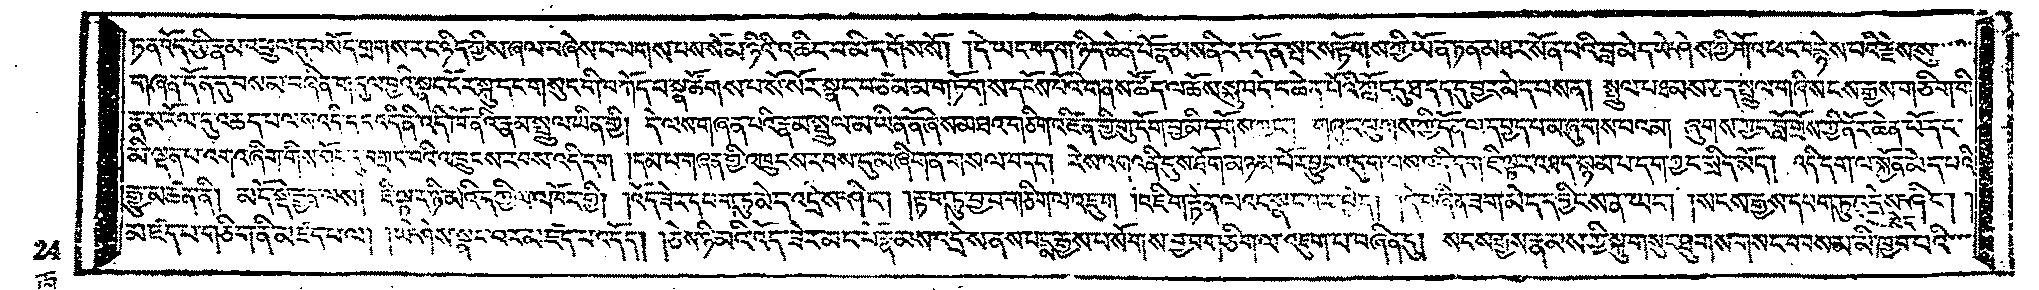ཏན་འོད་ཀྱི་རྣམ་འཕྲུལ་དུ་བསོད་གྲགས་རང་ཉིད་ཀྱིས་ཞལ་བཞེས་པ་ལགས་པས་སོམ་ཉིའི་འཆིང་བ་མི་དགོས་སོ། །དེ་ཡང་བདག་ཉིད་ཆེན་པོ་རྣམས་ནི་རང་དོན་སྤངས་རྟོགས་ཀྱི་ཡོན་ཏན་མཐར་སོན་པའི་བླ་མེད་ཡེ་ཤེས་ཀྱི་གོ་འཕང་བརྙེས་པའི་རྗེས་སུ་
གཞན་དོན་དུ་བསམ་བཞིན་གདུལ་བྱའི་སྣང་ངོར་སྐུ་དང་གསུང་གི་བཀོད་པ་སྣ་ཚོགས་པ་སོ་སོར་སྣང་བ་ཙམ་མ་གཏོགས་དངོས་པོའི་གནས་ཚོད་ལ་ཆོས་སྐུ་བདེ་བ་ཆེན་པོའི་ཀློང་དུ་ཐ་དད་དུ་བྱར་མེད་པས་ན། སྤྲུལ་པ་ཐམས་ཅད་སྤྲུལ་གཞི་སངས་རྒྱས་གཅིག་གི་
རྣམ་རོལ་དུ་འཆད་པ་ལས་འདི་དང་འདི་ནི་འདི་ཁོ་ནའི་རྣམ་སྤྲུལ་ཡིན་གྱི། དེ་ལས་གཞན་པའི་རྣམ་སྤྲུལ་མ་ཡིན་ནོ་ཞེས་མཐའ་གཅིག་འཛིན་གྱི་གུ་དོག་བྱ་མི་དགོས་ཀྱང་། གཞུང་ལུགས་ཀྱི་དོན་ལ་དཔྱད་པ་མ་ཞུགས་པའམ། ཞུགས་ཀྱང་བློ་གྲོས་ཀྱི་ནོར་ཆེན་པོ་དང་
མི་ལྡན་པ་འགའ་ཞིག་གིས་གོང་དུ་བགྲང་བའི་འཁྲུངས་རབས་འདི་དག །དམ་པ་གཞན་གྱི་འཁྲུངས་རབས་དུ་མ་ཞིག་ན་གསལ་བ་དང་། རེས་འགའ་ནི་དུས་ཐོག་མཉམ་པོར་བྱུང་འདུག་པས་འདི་དག་ཇི་ལྟར་འཐད་སྙམ་པ་དག་ཀྱང་སྲིད་མོད། འདི་དག་ལ་སྐྱོན་མེད་པའི་
རྒྱུ་མཚན་ནི། མདོ་སྡེ་རྒྱན་ལས། ཇི་ལྟར་ཉི་མའི་དཀྱིལ་འཁོར་གྱི། །འོད་ཟེར་དཔག་ཏུ་མེད་འདྲེས་ཤིང་། །རྟག་ཏུ་བྱ་བ་གཅིག་ལ་འཇུག །འཇིག་རྟེན་ལའང་སྣང་བར་བྱེད། །དེ་བཞིན་ཟག་མེད་དབྱིངས་ན་ཡང་། །སངས་རྒྱས་དཔག་ཏུ་འདྲེས་ཤིང་། །
མཛད་པ་གཅིག་ནི་མཛད་པ་ལ། ཡེ་ཤེས་སྣང་བར་མཛད་པ་འདོད། །ཅེས་ཉི་མའི་འོད་ཟེར་མང་པོ་རྣམས་འདྲེས་ནས་པདམ་རྒྱས་པ་སོགས་བྱ་བ་གཅིག་ལ་འཇུག་པ་བཞིན་དུ། སངས་རྒྱས་རྣམས་ཀྱི་སྐུ་གསུང་ཐུགས་གསང་བ་བསམ་མི་ཁྱབ་པའ་